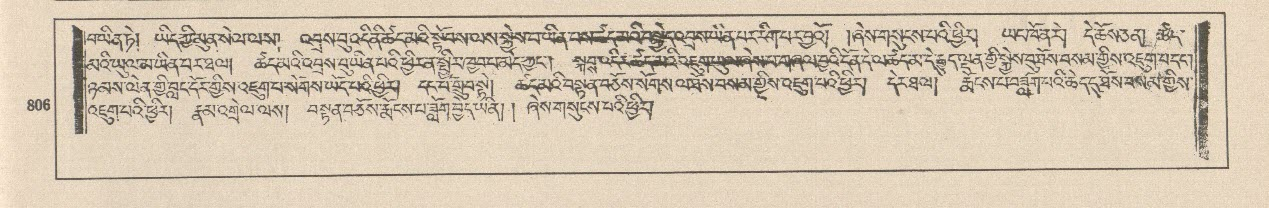པ་ཡིན་ཏེ། ཡིད་ཀྱི་མུན་སེལ་ལས། འབྲས་བུ་འདི་ནི་ཚད་མའི་སྟོབས་ལས་སྐྱེས་པ་ཡིན་པས་ཚད་མའི་བསྐྱེད་འབྲས་ཡིན་པར་རིག་པར་བྱའོ། །ཞེས་གསུངས་པའི་ཕྱིར། ཡང་ཁོ་ན་རེ། དེ་ཆོས་ཅན། ཚད་
མའི་ཡུལ་མ་ཡིན་པར་ཐལ། ཚད་མའི་འབྲས་བུ་ཡིན་པའི་ཕྱིར་ན་སྤྱིར་ཁྱབ་པ་མེད་ཀྱང་། སྐབས་འདིར་ཚད་མའི་འཇུག་ཡུལ་ཞེས་པ་གཞལ་བྱའི་དོན་དེ་ལ་ཚད་མ་དེ་རྒྱུད་ལྡན་གྱི་སྐྱེས་བུ་ཐོས་བསམ་གྱིས་འཇུག་པ་དག་
ཉམས་ལེན་གྱི་བླང་དོར་གྱིས་འཇུག་པ་སོགས་ཡོད་པའི་ཕྱིར། དང་པོ་གྲུབ་སྟེ། ཚད་མའི་བསྟན་བཅོས་སོགས་ལ་ཐོས་བསམ་གྱིས་འཇུག་པའི་ཕྱིར། དེར་ཐལ། རྨོངས་པ་བཟློག་པའི་ཆེད་དུ་ཐོས་བསམ་གྱིས་
འཇུག་པའི་ཕྱིར། རྣམ་འགྲེལ་ལས། བསྟན་བཅོས་རྨོངས་པ་ཟློག་བྱེད་ཡིན། །ཞེས་གསུངས་པའི་ཕྱིར།